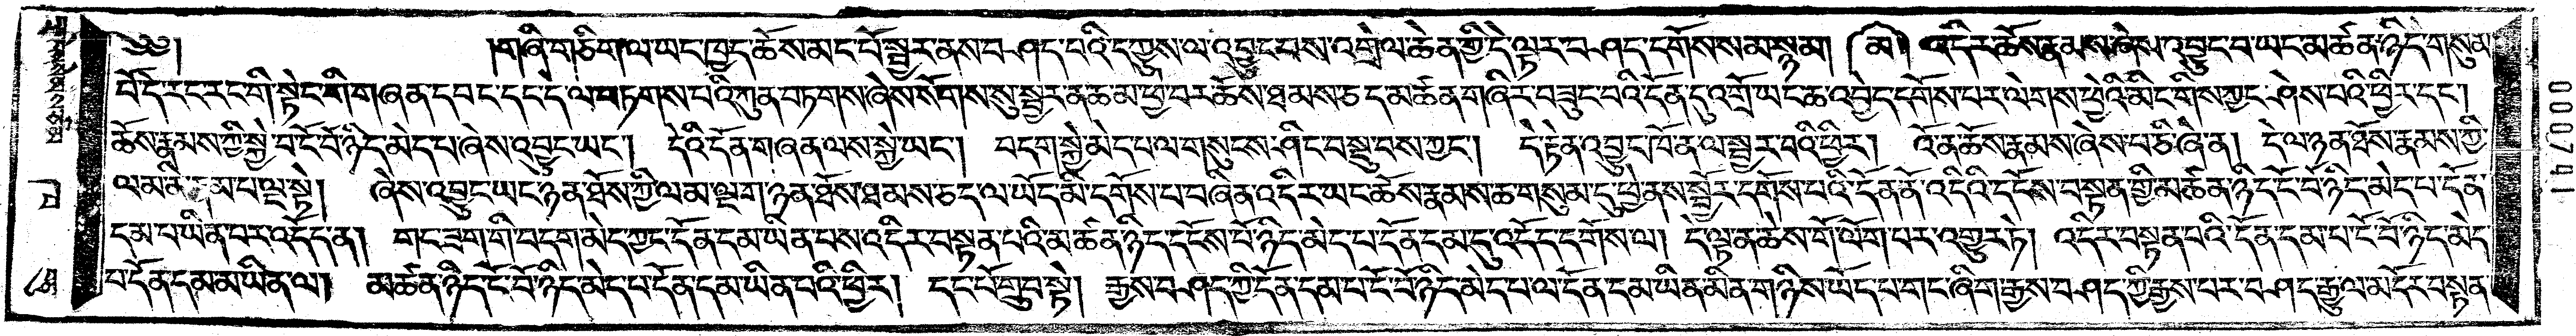༄༅། །གཞི་གཅིག་ལ་ཡང་ཁྱད་ཆོས་མང་པོ་སྦྱར་ནས་བཤད་པའི་དཀྱུས་ལ་འབྱུང་བས་འགྲེལ་ཆེན་གྱི་དེ་ལྟར་བཤད་དགོས་སམ་སྙམ། ༼མ༽ འདིར་ཆོས་རྣམས་ཞེས་འབྱུང་བ་ཡང་མཚན་ཉིད་གསུམ་
པོ་དེ་རང་རང་གི་སྟེང་གི་གཞན་དབང་དང་དེ་ལ་བཏགས་པའི་ཀུན་བཏགས་ཞེས་སོགས་སུ་སྦྱར་ན་ཆ་མ་ཕྱེ་བར་ཆོས་ཐམས་ཅད་མཚན་གཞིར་བཟུང་བའི་དོན་དུ་འགྲོ་ཡང་ཆ་འབྱེད་དགོས་པར་ལེགས་ཕྱེའི་མིང་གིས་ཀྱང་ཤེས་པའི་ཕྱིར་དང་།
ཆོས་རྣམས་ཀྱི་སྐྱེ་བ་ངོ་བོ་ཉིད་མེད་པ་ཞེས་འབྱུང་ཡང་། དེའི་དོན་གཞན་ལས་སྐྱེ་ཡང་། བདག་སྐྱེ་མེད་པ་ལ་གསུངས་ཤིང་བསྡུ་བས་ཀྱང་། དེ་རྟེན་འབྱུང་ཁོ་ན་ལ་སྦྱར་བའི་ཕྱིར། འོ་ན་ཆོས་རྣམས་ཞེས་པ་ཅི་ཞེ་ན། དེ་ལ་ཉན་ཐོས་རྣམས་ཀྱི་
ལམ་ནི་རྣམ་པ་ལྔ་སྟེ། ཞེས་འབྱུང་ཡང་ཉན་ཐོས་ཀྱི་ལམ་ལྔ་ག་ཉན་ཐོས་ཐམས་ཅད་ལ་ཡོད་མི་དགོས་པ་བཞིན་འདིར་ཡང་ཆོས་རྣམས་ཆ་གསུམ་དུ་ཕྱེ་ནས་སྦྱོར་དགོས་པའི་དོན་ནོ་འདིའི་དངོས་བསྟན་གྱི་མཚན་ཉིད་ངོ་བོ་ཉིད་མེད་པ་དོན་
དམ་པ་ཡིན་པར་འདོད་ན། གང་ཟག་གི་བདག་མེད་ཀྱང་དོན་དམ་ཡིན་པས་འདིར་བསྟན་པའི་མཚན་ཉིད་དངོས་པོ་ཉིད་མེད་པ་དོན་དམ་དུ་འདོད་དགོས་ལ། དེ་ལྟ་ན་ཆེས་གོ་ལོག་པར་འགྱུར་ཏེ། འདིར་བསྟན་པའི་དོན་དམ་པ་ངོ་བོ་ཉིད་མེད་
པ་དོན་དམ་མ་ཡིན་ལ། མཚན་ཉིད་ངོ་བོ་ཉིད་མེད་པ་དོན་དམ་ཡིན་པའི་ཕྱིར། དང་པོ་གྲུབ་སྟེ། རྒྱས་བཤད་ཀྱི་དོན་དམ་པ་ངོ་བོ་ཉིད་མེད་པ་ལ་དོན་དམ་ཡིན་མིན་གཉིས་ཡོད་པ་གང་ཞིག་རྒྱས་བཤད་ཀྱི་རྒྱས་པར་བཤད་རྒྱུ་ལ་མདོར་བསྟན་